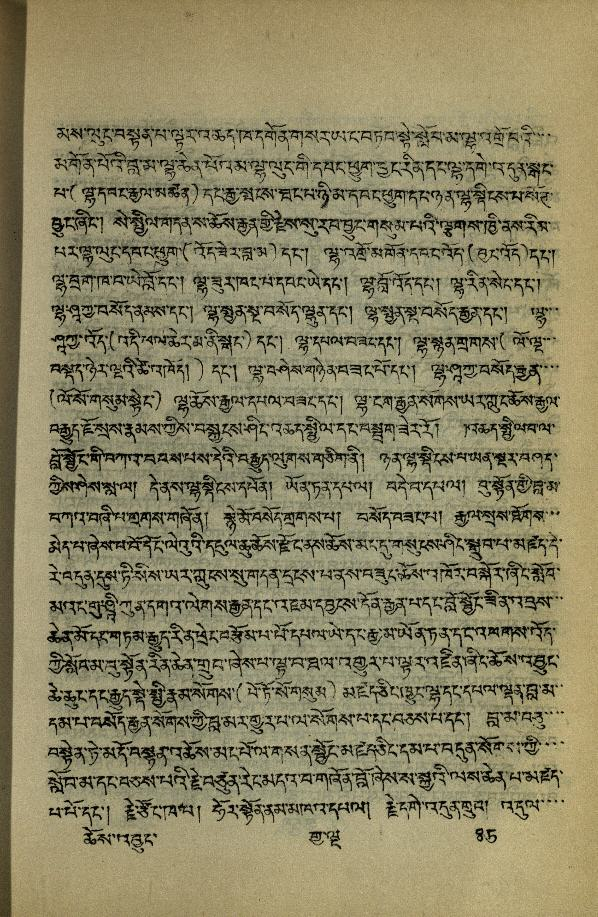མས་ལུང་བསྟན་པ་ལྟར་འཆད་ཁ་དགོན་གསར་ཡང་བཏབ་སྟེ་སློབ་མ་ལྷ་འགྲོ་བའི་
མགོན་པོའི་བླ་མ་ལྷ་ཆེན་པོའམ་ལྷ་ལུང་གི་དབང་ཕྱུག་བྱང་རིན་དང་ལྷ་དགེ་འདུན་སྒང་
བ་ལྷ་དབང་རྒྱལ་མཚན་དང་རྒྱ་སྤངས་ཐང་པ་ཉི་མ་དབང་ཕྱུག་དང་ཉན་ལྷ་སྡིངས་པ་སོཊ་
བྱུང་ཞིང་། སེ་སྤྱིལ་གདན་ས་ཆོས་རྒྱན་གྱི་རྗེས་སུ་རབ་བྱུང་གསུམ་པའི་ལྕགས་ཁྱི་ནས་རིམ་
པར་ལྷ་ལུང་དབང་ཕྱུག་འོད་ཟེར་བླ་མ་དང་། ལྷ་འགྲོ་མགོན་དབང་འོད། བྱང་འོད་དང་།
ལྷ་བྲག་ཁ་བ་ཡེ་བློ་དང་། ལྷ་ཟུར་ཁང་པ་དབང་ཡེ་དང་། ལྷ་བློ་འོད་དང་། ལྷ་རིན་སེང་དང་།
ལྷ་ཤཱཀྱ་བསོད་ནམས་དང་། ལྷ་སྤྱན་སྔ་བསོད་ལྷུན་དང་། ལྷ་སྤྱན་སྔ་བསོད་རྒྱན་དང་། ལྷ་
ཤཱཀྱ་འོད་འདི་ཕལ་ཆེར་མ་ནི་སྒང་དང་། ལྷ་དཔལ་བཟང་དང་། ལྷ་སྙན་གྲགས་ལོ་ལྔ་
བསྡད་ཉེར་ལྔའི་ཚེ་འཁོད། དང་། ལྷ་བཤེས་གཉེན་བཟང་པོ་དང་། ལྷ་ཤཱཀྱ་བསོད་རྒྱན་
ལོ་སོ་གསུམ་སྟེང་ལྷ་ཆོས་རྒྱལ་དཔལ་བཟང་དང་། ལྷ་ངག་རྒྱན་སོགས་ཡར་ཀླུང་ཆོས་རྒྱལ་
བརྒྱུད་ཇོ་སྲས་རྣམས་ཀྱིས་བསྐྱངས་ཤིང་འཆད་སྤྱིལ་དང་བསྲག་ཟེར་རོ། །འཆད་སྤྱིལ་བ་ལ་
བློ་སྦྱོང་གི་བཀའ་བབས་པས་དེའི་བརྒྱུད་ལུགས་གཅིག་ནི། ཉན་ལྷ་སྡིངས་པ་ཡན་སྔར་བཤད་
ཀྱིས་ཤེས་སླ་ལ། དེ་ནས་ལྷ་སྡིངས་དཔོན། ཡོན་ཏན་དཔལ། བདེ་བ་དཔལ། བུ་སྟོན་གྱི་བླ་མ་
བཀའ་བཞི་པ་གྲགས་གཞོན། སྙེ་མོ་བསོད་གྲགས་པ། བསོད་བཟང་པ། རྒྱལ་སྲས་ཐོགས་
མེད་པ་ཞེས་པ་བོ་དོང་ལེའུའི་དངུལ་ཆུ་ཆོས་རྫོང་ནས་ཆོས་མང་དུ་གསུངས་ཤིང་སྒྲུབ་པ་མཛད་དེ་
རེ་བདུན་དུས་ཏི་སིས་ཡར་ཀླུངས་སུ་གདན་དྲངས་པ་ནས་བཟུང་ཆོས་འཁོར་བསྐོར་ཞིང་སློབ་
མའང་གུ་ཤྲཱི་ཀུན་དགའ་ལེགས་རྒྱན་དང་འཇམ་དབྱངས་དོན་རྒྱན་པ་དང་བློ་སྦྱོང་ཟིན་འབྲས་
ཆེན་མོ་དང་གཏམ་རྒྱུད་རིན་ཕྲེང་བརྩོམ་པ་པོ་དཔལ་ཡེ་དང་རྒྱ་མ་ཡོན་ཏན་དང་འཕགས་འོད་
ཀྱི་སློབ་མ་བུ་སྟོན་རིན་ཆེན་གྲུབ་ཞེས་པ་ལྟ་བ་ཐལ་འགྱུར་པ་ལྟར་འཛིན་ཞིང་ཆོས་འབྱུང་
ཆེ་ཆུང་དང་རྒྱུད་སྡེ་སྤྱི་རྣམས་སོགས་པོ་ཏོ་སོ་གསུམ་མཛད་ཅིང་ཁྱུང་ལྷ་དང་དཔལ་ལྡན་བླ་མ་
དམ་པ་བསོད་རྒྱན་སོགས་ཀྱི་བླ་མར་གྱུར་པ་ལ་སོགས་པ་དང་བཅས་པ་དང་། བླ་མ་བཅུ་
བསྟེན་ཏེ་མདོ་བསྟན་འཆོས་མང་པོ་ལ་གསན་སྦྱོང་མཛད་ཅིང་དམ་པ་བདུན་སོགས་ཀྱི་
སློབ་མ་དང་བཅས་པའི་རྗེ་བཙུན་རེང་མདའ་བ་གཞོན་བློ་ཞེས་ས་སྐྱའི་ལས་ཆེན་པ་མཛད་
པ་པོ་དང་། རྗེ་ཙོང་ཁ་པ། ཧོར་སྟོན་ནམ་མཁའ་དཔལ། རྗེ་དགེ་འདུན་གྲུབ། འདུལ་